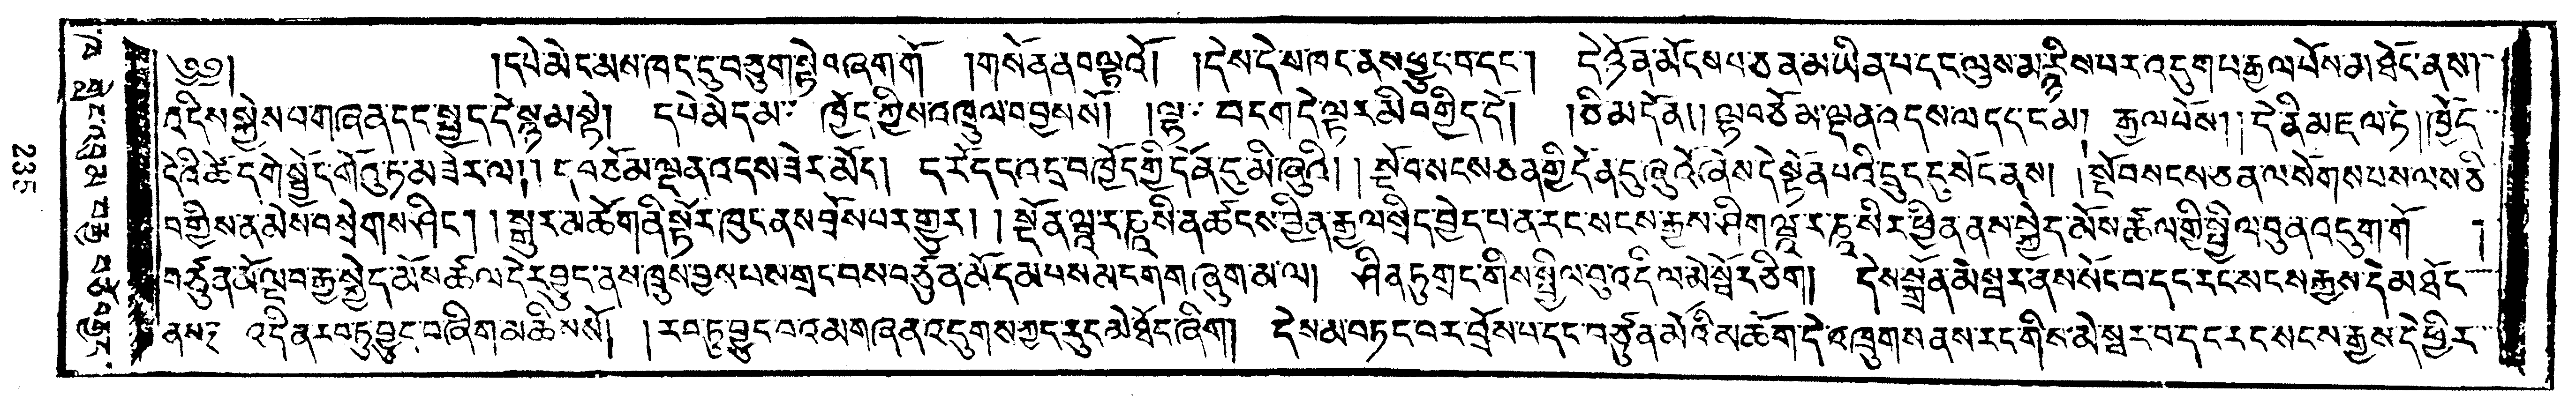༄༅། །དཔེ་མེད་མས་ཁང་དུ་བཅུག་སྟེ་བཞག་གོ །གསོན་ན་བལྟའོ། །དེས་དེ་ས་ཁང་ནས་ཕྱུང་བ་དང་། དེ་ཉོན་མོངས་པ་ཅན་མ་ཡིན་པ་དང་ལུས་མ་རྙིས་པར་འདུག་པ་རྒྱལ་པོས་མཐོང་ནས།
འདིས་སྐྱེས་པ་གཞན་དང་སྤྱད་དེ་སྙམ་སྟེ། དཔེ་མེད་མ་ཁྱོད་ཀྱིས་འཁྲུལ་བ་བྱས་སོ། །ལྷ༑ བདག་དེ་ལྟར་མི་བགྱིད་དོ། །ཅི་མདོན། །ལྷ་བཅོམ་ལྡན་འདས་ལ་དད་ངམ། རྒྱལ་པོས། །དེ་ནི་མཇལ་ཏེ། ཁྱོད་
དེའི་ཚེ་དགེ་སྤྱོད་གོའུ་ཏ་མ་ཟེར་ལ། །ད་བཅོམ་ལྡན་འདས་ཟེར་མོད། དོར་དང་འདྲ་བ་ཁྱོད་ཀྱི་དོན་དུ་མི་ཞུའི། །སྔོ་བ་སངས་ཅན་གྱི་དོན་དུ་ཞུའོ་ཞེས་དེ་སྟོན་པའི་དྲུང་དུ་སོང་ནས། །སྔོ་བསངས་ཅན་ལ་སོགས་པས་ལས་ཅི་
བགྱིས་ན་མེས་བསྲེགས་ཤིང་། །སྒུར་མཆོག་ནི་སྟོར་ཁུང་ནས་བྲོས་པར་གྱུར། །སྔོན་ཝཱ་ར་ཎཱསི་ན་ཚངས་བྱིན་རྒྱལ་སྲིད་བྱེད་པ་ན་རང་སངས་རྒྱས་ཤིག་ཝཱ་ར་ཎཱ་སིར་ཕྱིན་ནས་སྐྱེད་མོས་ཚལ་གྱི་སྤྱིལ་བུ་ན་འདུག་གོ །
བཙུན་མོ་ལྔ་བརྒྱ་སྐྱེད་མོས་ཚལ་དེར་བྱུང་ནས་ཁྲུས་བྱས་པས་གྲང་བས་བཙུན་མོ་དམ་པས་མངག་གཞུག་མ་ལ། ཤིན་ཏུ་གྲང་གིས་སྤྱིལ་བུ་འདི་ལ་མེ་སྦོར་ཅིག། དེས་སྒྲོན་མེ་སྦར་ནས་སོང་བ་དང་རང་སངས་རྒྱས་དེ་མཐོང་
ནས༑ འདིན་རབ་ཏུ་བྱུང་བ་ཞིག་མཆིས་སོ། །རབ་ཏུ་བྱུང་བའམ་གཞན་འདུགས་ཀྱང་རུང་མེ་ཐོང་ཞིག། དེས་མ་བཏང་བར་བྲོས་པ་དང་བཙུན་མོའི་མཆོག་དེ་འཁྲུགས་ནས་རང་གིས་མེ་སྦར་བ་དང་རང་སངས་རྒྱས་དེ་ཕྱིར་